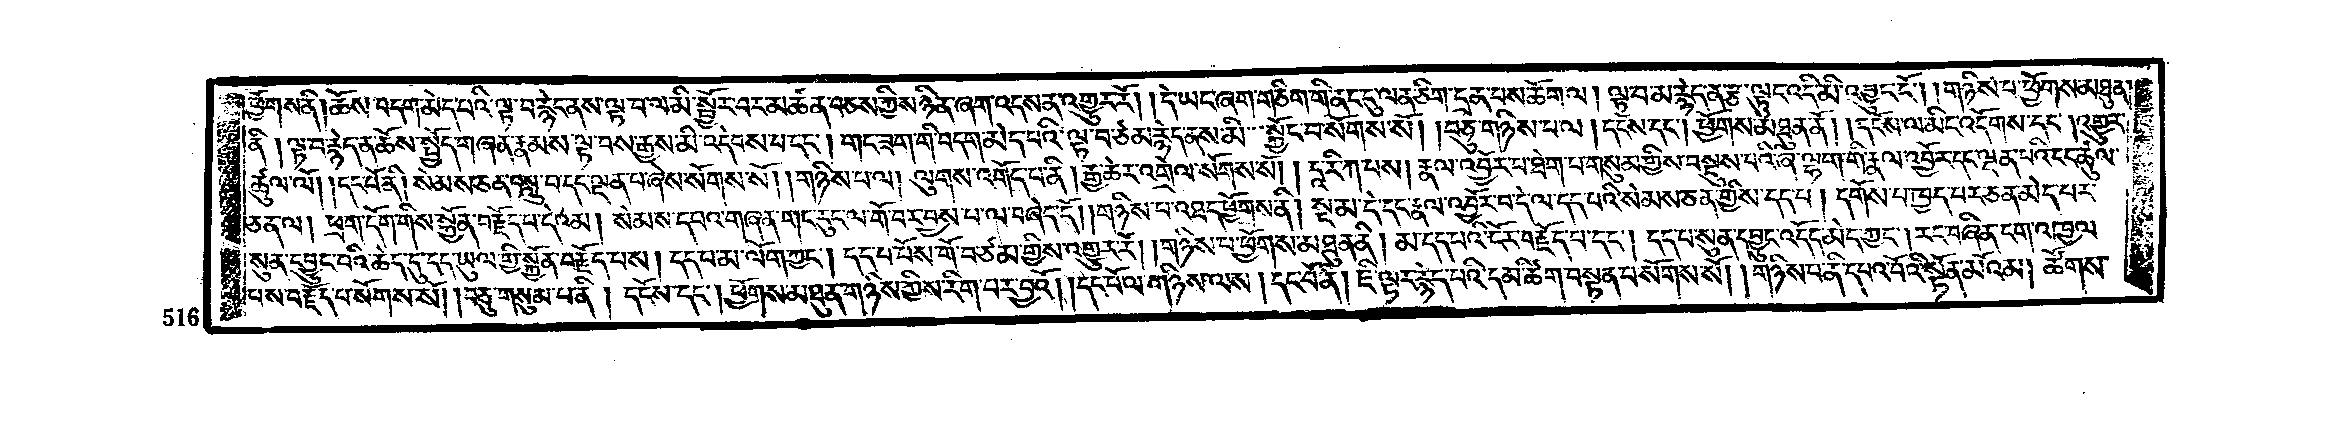ཕྱོགས་ནི། ཆོས་བདག་མེད་པའི་ལྟ་བ་རྙེད་ནས་ལྟ་བ་ལ་མི་སྦྱོར་བར་མཚན་བཅས་ཀྱིས་ཉིན་ཞག་འདས་ན་འགྱུར་རོ། །དེ་ཡང་ཞག་གཅིག་གི་ནང་དུ་ལན་ཅིག་དྲན་པས་ཆོག་ལ། ལྟ་བ་མ་རྙེད་ན་རྩ་ལྟུང་འདི་མི་འབྱུང་ངོ། །གཉིས་པ་ཕྱོགས་མཐུན་
ནི། ལྟ་བ་རྙེད་ན་ཆོས་སྤྱོད་གཞན་རྣམས་ལྟ་བས་རྒྱས་མི་འདེབས་པ་དང་། གང་ཟག་གི་བདག་མེད་པའི་ལྟ་བ་ཙམ་རྙེད་ནས་མི་སྐྱོང་བ་སོགས་སོ། །བཅུ་གཉིས་པ་ལ། དངོས་དང་། ཕྱོགས་མཐུན་ནོ། །དངོས་ལ་མིང་འདོགས་དང་། འགྱུར་
ཚུལ་ལོ། །དང་པོ་ནི། སེམས་ཅན་བསླུ་བ་དང་ལྡན་པ་ཞེས་སོགས་སོ། །གཉིས་པ་ལ། ལུགས་འགོད་པ་ནི། རྒྱ་ཆེར་འགྲེལ་སོགས་སོ། །དཱ་རི་ཀ་པས། རྣལ་འབྱོར་པ་ཐེག་པ་གསུམ་གྱིས་བསྡུས་པའི་ཞི་ལྷག་གི་རྣལ་འབྱོར་དང་ལྡན་པའི་ངང་ཚུལ་
ཅན་ལ། ཕྲག་དོག་གིས་སྐྱོན་བརྗོད་པ་དེའམ། སེམས་དཔའ་གཞན་གང་རུང་ལ་གོ་བར་བྱས་པ་ལ་བཞེད་དོ། །གཉིས་པ་འཐད་ཕྱོགས་ནི། སྔ་མ་དེ་དང་རྣལ་འབྱོར་པ་དེ་ལ་དད་པའི་སེམས་ཅན་གྱིས་དད་པ། དགོས་པ་ཁྱད་པར་ཅན་མེད་པར་
སུན་དབྱུང་བའི་ཆེད་དུ་དད་ཡུལ་གྱི་སྐྱོན་བརྗོད་པས། དད་པ་མ་ལོག་ཀྱང་། དད་པ་པོས་གོ་བ་ཙམ་གྱིས་འགྱུར་རོ། །གཉིས་པ་ཕྱོགས་མཐུན་ནི། མ་དད་པའི་ངོར་བརྗོད་པ་དང་། དད་པ་སུན་དབྱུང་འདོད་མེད་ཀྱང་། རང་བཞིན་དག་འཁྱལ་
པས་བརྗོད་པ་སོགས་སོ། །བཅུ་གསུམ་པ་ནི། དངོས་དང་། ཕྱོགས་མཐུན་གཉིས་ཀྱིས་རིག་པར་བྱའོ། །དང་པོ་ལ་གཉིས་ལས། དང་པོ་ནི། ཇི་ལྟར་རྙེད་པའི་དམ་ཚིག་བསྟན་པ་སོགས་སོ། །གཉིས་པ་ནི་དཔའ་བོའི་སྟོན་མོའམ། ཚོགས་